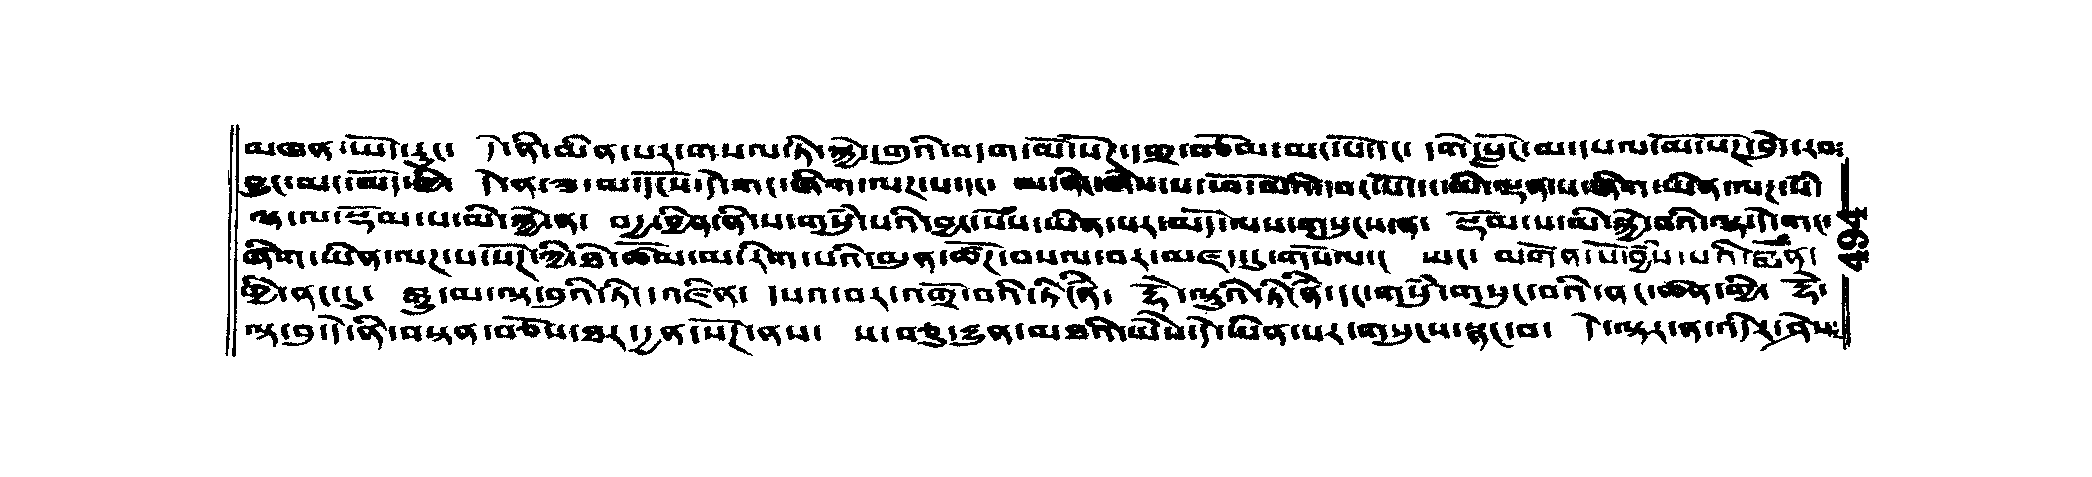མཁན་ཡོད་རུང་། དེ་ནི་མིན་པར་གསལ་ཏེ་སྐྱེ་དགུའི་བདག་མོ་སོགས་དགྲ་བཅོམ་མང་པོ་དང་། དགེ་སློང་མ་དཔལ་མོ་སོགས་བུད་མེད་རབ་
བྱུང་མང་མོད་ཀྱི། དེས་ན་ཟ་མ་དངོས་དེ་གང་ཞིག་ལགས་པ་དང་། མ་ནིང་ཞེས་པ་ཕོ་མོའི་དབང་པོ་དང་མི་ལྡན་པ་ཞིག་ཡིན་ལགས་སམ། 
ལྷ་ལ་སྡོམ་པ་མི་སྐྱེ་ན། བརྒྱ་བྱིན་ནི་ས་གསུམ་པའི་བྱང་སེམས་ཡིན་པར་མདོ་ལས་གསུངས་ན། སྡོམ་པ་མི་སྐྱེ་བའི་ལྷ་དེ་གང་
ཞིག་ཡིན་ལགས་པ་སོགས་ཀྱི་ཐེ་ཚོམ་མ་རིག་པའི་མུན་ཚོགས་བསལ་བར་མཛད་དུ་གསོལ། ཡང་། མགོན་པོ་བྱམས་པའི་སྨོན་ལམ་
ཕྱི་ནང་དུ། སྒྱུ་མ་ལྟ་བུའི་ཏིང་འཛིན། དཔའ་བར་འགྲོ་བའི་ཏིང་འཛིན། རྡོ་རྗེ་ལྟ་བུའི་ཏིང་འཛིན་དང་གསུམ་གསུངས་བའི་ནང་ཚན་གྱི། རྡོ་རྗེ་
ལྟ་བུ་དེ་ནི་བསྟན་བཅོས་ཐར་རྒྱན་སོགས་ནས།ས་བཅུ་རྒྱུན་མཐའི་ཡེ་ཤེས་དེ་ཡིན་པར་གསུངས་སྣང་བ། དེ་ལྟར་ན་འདིར་ཤེས་